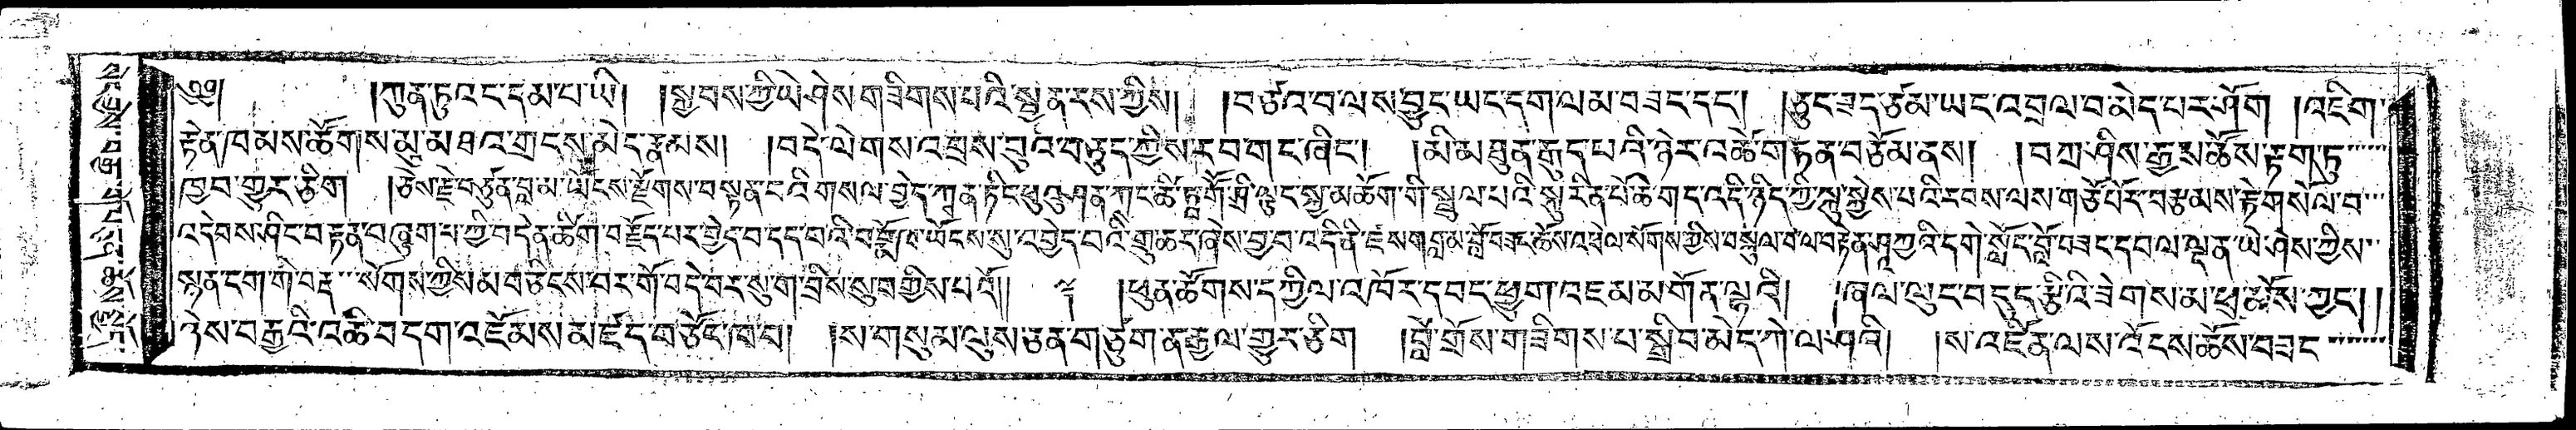༄༅། །ཀུན་ཏུའང་དམ་པ་ཡི། །སྐྱབས་ཀྱི་ཡེ་ཤེས་གཟིགས་པའི་སྤྱན་རས་ཀྱིས། །བཙའ་བ་ལས་བྱུང་ཡང་དག་ལམ་བཟང་དང་། །ཅུང་ཟད་ཙམ་ཡང་འབྲལ་བ་མེད་པར་ཤོག །འཇིག་
རྟེན་ཁམས་ཚོགས་མུ་མཐའ་གྲངས་མེད་རྣམས། །བདེ་ལེགས་འབྲས་བུའི་བཅུད་ཀྱིས་རབ་གང་ཞིང་། །མི་མཐུན་རྒུད་པའི་ཉེར་འཚེ་གཏན་བཅོམ་ནས། །བཀྲ་ཤིས་རྒྱས་ཚོས་རྟག་ཏུ་
ཁྱབ་གྱུར་ཅིག །ཅེས་རྗེ་བཙུན་བླ་མ་ཡོངས་རྫོགས་བསྟན་པའི་གསལ་བྱེད་ཀྭན་ཏིང་ཕུའུ་ཤན་ཀང་ཚི་ཏྦ་གཽ་ཤྲི་ལྕང་སྐྱ་མཆོག་གི་སྤྲུལ་པའི་སྐུ་རིན་པོ་ཆེ་གང་འདི་ཉིད་ཀྱི་སྐུ་སྐྱེས་པའི་རབས་ལས་གཙོ་བོར་བརྩམས་རྟེ་གསོལ་བ་
འདེབས་ཤིང་བརྟན་བཞུག་པ་ཀྱི་བདེན་ཚིག་བརྗོད་པར་བྱེད་པ་དད་པའི་བབྨོ་ཁ་ཡོངས་སུ་འབྱེད་པའི་གྲུ་ཆར་ཞེས་བྱ་བ་འདི་ནི་ཇ་སག་བླ་མ་བློ་བཟང་ཆོས་འཕེལ་སོགས་ཀྱིས་བསྐུལ་བ་ལ་བརྟེན་ཤཱཀྱའི་དགེ་སློང་བློ་བཟང་དཔལ་ལྡན་ཡེ་ཤེས་ཀྱིས་
སྙན་ངག་གི་བརྡ་སོགས་ཀྱིས་མ་བཅིངས་བར་གོ་བདེ་བར་སུ་ག་བྲིས་སུ་བགྱིས་བའོ། །༈ །ཕུན་ཚོགས་དཀྱིལ་འཁོར་དབང་ཕྱུག་འཇམ་མགོན་ལྷའི། །ཞལ་ལུང་བདུད་རྩིའི་ཟེགས་མ་ཕྲ་མོས་ཀྱང་། །
ཉེས་བརྒྱའི་འཆི་བདག་འཇོམས་མཛད་བཙོང་ཁ་བ། །ས་གསུམ་ལུས་ཅན་གཙུག་ན་རྒྱལ་གྱུར་ཅིག །བློ་གྲོས་གཟིགས་པ་སྒྲིབ་མེད་ཀེ་ལ་ཤའི། །ས་འཛིན་ལས་འོངས་ཆོས་བཟང་